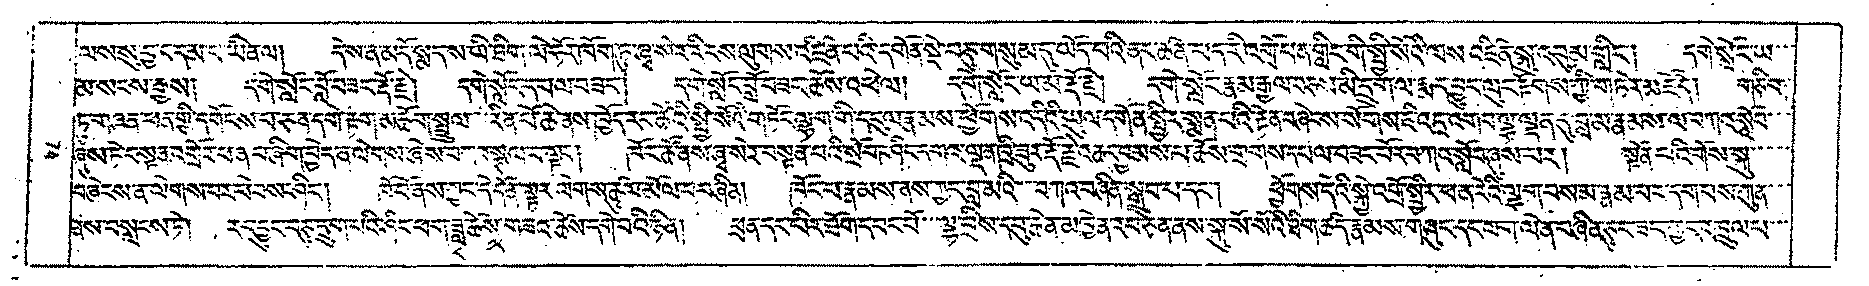ལས་སུ་བྱ་བ་དམ་པ་ཡིན་ལ། དེས་ན་མདོ་སྨད་ས་ཡི་ཐིག་ལེ་ཧོར་ཁོག་ཏུ་ཞྭ་སེར་རིངས་ལུགས་འཛིན་པའི་དགོན་སྡེ་བཅུ་གསུམ་དུ་ཡོད་པའི་ནང་ཚན་པད་རི་འགྲོ་ཕན་གླིང་གི་སྤྱི་སོའི་ལས་འཛིན་སྐུ་འབུམ་གླིང་། དགེ་སློང་ཡ་
མ་སངས་རྒྱས། དགེ་སློང་བློ་བཟང་རྡོ་རྗེ། དགེ་སློང་དཔལ་བཟང་། དགེ་སློང་བློ་བཟང་ཆོས་འཕེལ། དགེ་སློང་ཡ་མ་རྡོ་རྗེ། དགེ་སློང་རྣམ་རྒྱལ་བཅས་མི་དྲུག་ལ་རྨད་བྱུང་ལུང་རྟོགས་ཀྱི་གཏེར་མཛོད། གཅིག་
ཏུ་གཞན་ཕན་གྱི་དགོངས་པ་ཅན་དགེ་རྟག་མཆོག་སྤྲུལ་རིན་པོ་ཆེ་ནས་ཁྱོད་རང་ཚོའི་སྤྱི་སོའི་གཏོང་ལྷག་གི་དངུལ་རྣམས་ཕྱོགས་འདིའི་ཡུལ་དགོན་སྤྱིར་སྨན་པའི་རྟེན་བཞེངས་སོགས་ཇི་འདྲ་འགབ་ལྷ་ལྡན་དུ་བླ་མ་རྣམས་ལ་བཀའ་སློབ་
ཞུས་ཏེ་བསྟན་འགྲོར་ཕན་པ་ཞིག་བྱེད་ན་ལེགས་ཞེས་བཀའ་སྩལ་བ་ལྟར། ཁོང་ཚོ་ནས་ཞྭ་སེར་བསྟན་པའི་སྲོག་ཤིང་དགའ་ལྡན་ཁྲི་ཟུར་རྡོ་རྗེ་འཆང་བྱམས་པ་ཆོས་གྲགས་དཔལ་བཟང་པོར་བཀའ་སློབ་ཞུས་པར། སྟོན་པའི་གོས་སྐུ་
བཞེངས་ན་ལེགས་པར་ཕེབས་ཤིང་། ཁོ་བོ་ནས་ཀྱང་དེ་དོན་ལྟར་ལེགས་ཚུལ་མོལ་བ་བཞིན། ཁོང་པ་རྣམས་ནས་ཀྱང་བླ་མའི་བཀའ་བཞིན་སྒྲུབ་པ་དང་། ཕྱོགས་དེའི་སྐྱེ་འགྲོ་སྤྱིར་ཕན་རེའི་ལྷག་བསམ་རྣམ་པར་དག་པས་ཀུན་
ནས་བསླངས་ཏེ། རབ་བྱུང་བཅུ་དྲུག་པའི་ཤིང་ཕག་ཟླ ༨་ཚེས ༡༨་གཟའ་ཚེས་དགེ་བའི་ཉིན། ཕྲན་དང་པིར་ཐོག་དབང་པོ་ལྷ་བྲིས་དབུ་ཆེན་མཁྱེན་རབ་ཅན་ནས་སྐུ་སོ་སོའི་ཐིག་ཚད་རྣམས་གཞུང་དང་ལག་ལེན་བཞིན་ཅུང་ཟད་ཀྱང་འཁྲུལ་པ་